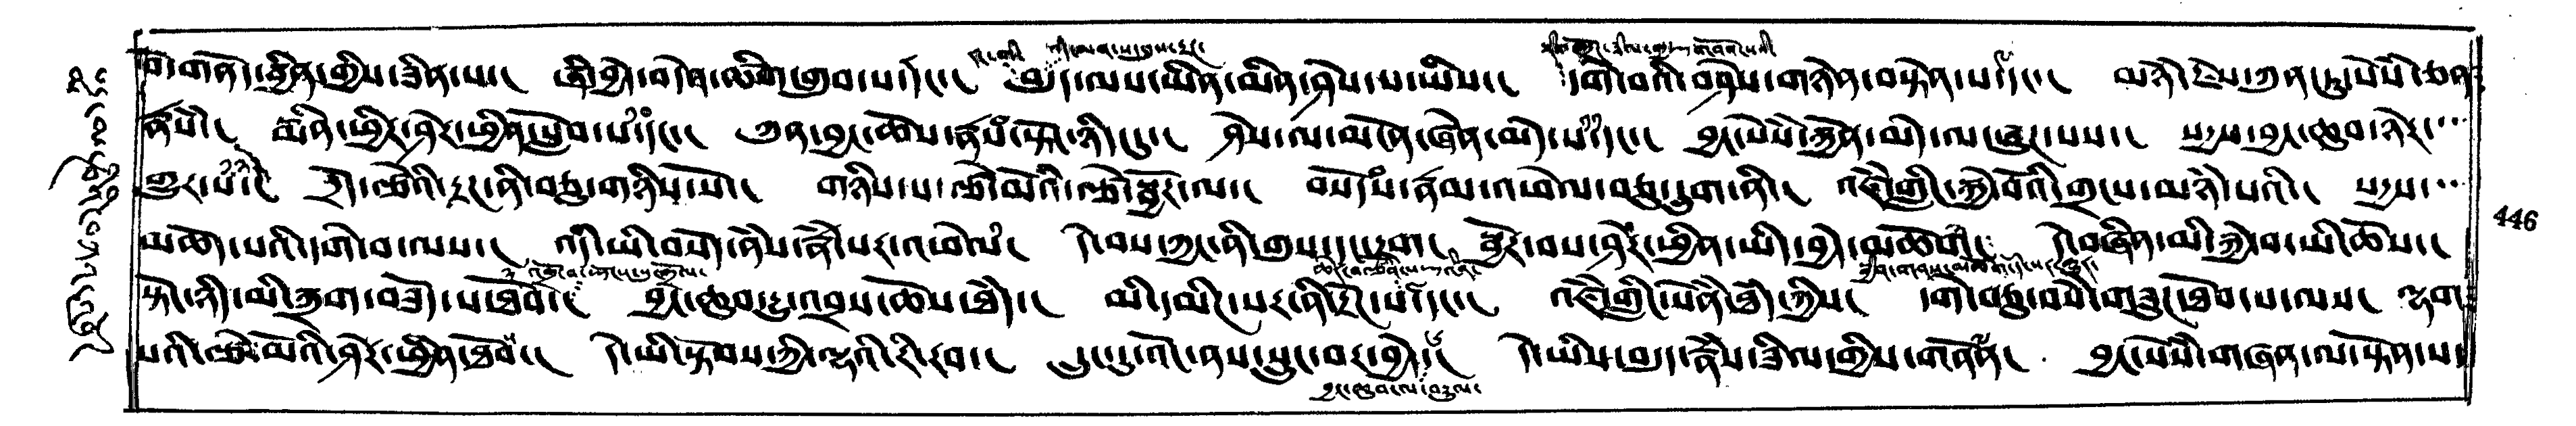བོ་གནོད་སྦྱིན་གྱིས་ཟིན་པ། །ཞི་བྱེད་བདེན་ཚིག་གྲུབ་པ་དང་།། རང་གི་བདུད་ལས་ཡིན་འདི་མན་སད་དུས་རྟགས་ཡིན་མིན་ཤེས་པ་ཡིས།། སྡིག་གྲོགས་ཟིལ་གྱིས་གནོན་པའི་དགེ་བའི་བཤེས་གཉེན་བསྟེན་པ་དང་། །མཉམ་རྗེས་ཀུན་ཏུ་སེམས་ཅན་
རྣམས། །སྨིན་ཕྱིར་ཤེར་ཕྱིན་སློབ་པ་དང་། །ཀུན་བྱང་ཆོས་རྣམས་སྟོང་ཉིད་དུ། །ཤེས་ལ་མངོན་ཞེན་མེད་པ་དང་། །བྱང་སེམས་སྐྱོན་མེད་ལ་ཞུགས་པས། །སངས་རྒྱས་བྱང་ཆུབ་ཉེར་
གྱུར་པ། །དྲོད་རྩེའི་རྟགས་ནི་བཅུ་ཉིས་སོ། །གཉིས་པ་རྩེ་མོའི་རྩེ་སྦྱོར་ལ། །བསོད་ནམས་རྣམ་འཕེལ་བཅུ་དྲུག་ནི། །འཛམ་གླིང་སྐྱེ་བོའི་གྲངས་མཉམ་པའི། །སངས་རྒྱས་
མཆོད་པའི་དགེ་བ་ལས། །འདི་ཡི་བསོད་ནམས་རྣམ་པར་འཕེལ། །དེ་བས་ཀྱང་ནི་གུས་དང་རྟག །སྦྱོར་བས་ཤེར་ཕྱིན་ཡིད་བྱེད་མཆོག ། སྦྱིན་གནས་མཆོག་དམ་པར་གྱུར། །དེ་བཞིན་མི་སྐྱེ་བ་ཡི་ཆོས། །
སྟོང་ཉིད་མི་སྐྲག་བཟོད་པ་ཐོབ།། འགྲོ་བ་ཡོངས་སུ་གྲོལ། བྱང་ཆུབ་རྒྱུ་འབྲས་ཆོས་ཐམས་ཅད། །མི་དམིགས་པར་ནི་རྟོགས་པ་ཆེར་བརྩོན་པས་འཛིན་དང་། །འཛམ་གླིང་སེམས་ཅན་ཐམས་ཅད་ཀྱིས། །དགེ་བཅུ་བསམ་གཟུགས་ཐོབ་པ་ལས། །ལྷག་
པའི་རྩེ་མོའི་ཤེར་ཕྱིན་ཐོབ། །དེ་ཡི་སྟོབས་ཀྱི་ལྷའི་རིས་རྣམས། །དྲུང་དུ་འོངས་ནས་སྲུང་བར་བྱེད།། བྱང་ཆུབ་ལ་བསྐུལ། དེ་ཡིས་བདུད་རྣམས་ཟིལ་གྱིས་གནོན། །བྱང་སེམས་གཞན་ལ་སྟོན་པ་